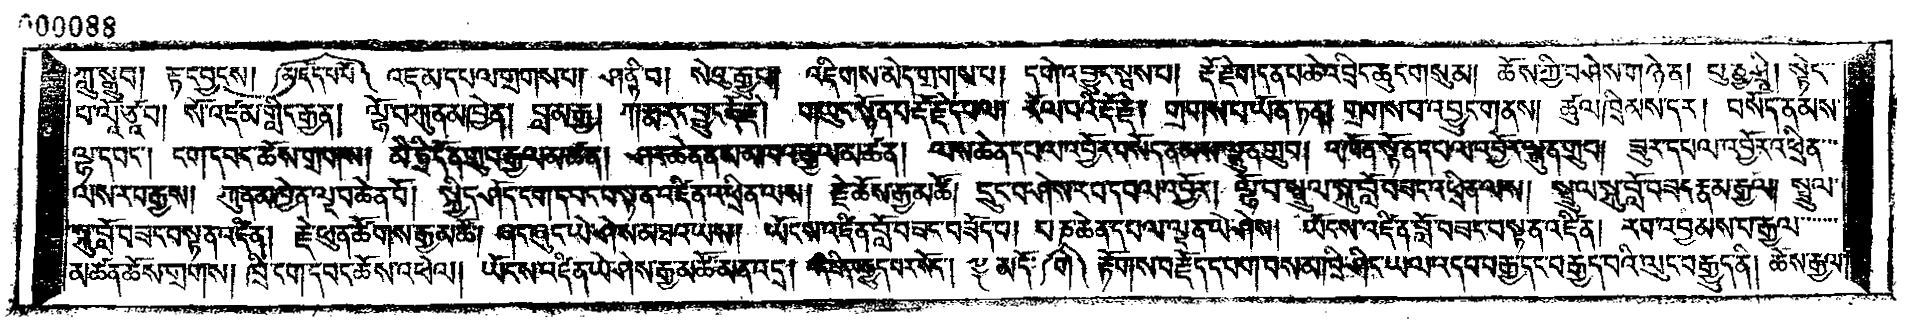ཀླུ་སྒྲུབ། རྟ་དབྱངས་༼མཛད་པ་པོ༽་འཇམ་དཔལ་གྲགས་པ། ཤནྟི་བ། སེའུ་རྒྱུ་པ། འཇིགས་མེད་གྲགས་པ། དགེ་འབྱུང་སྦས་པ། རྡོ་རྗེ་གདན་པ་ཆེ་འབྲིང་ཆུང་གསུམ། ཆོས་ཀྱི་བཤེས་གཉེན། པུ་ཎྱཤྲཱི། སྟེང་
པ་ལO་ཙཱ་བ། སོ་འཛམ་གླིང་རྒྱན། ལྷོ་བ་ཀུན་མཁྱེན། བླ་མ་རྒྱ། ཀརྨ་རང་བྱུང་རྡོ་རྗེ། གཡུང་སྟོན་པ་རྡོ་རྗེ་དཔལ། རོལ་བའི་རྡོ་རྗེ། གྲགས་པ་ཡོན་ཏན། གྲགས་པ་འབྱུང་གནས། ཚུལ་ཁྲིམས་དར། བསོད་ནམས་
ལྷ་དབང་། ངག་དབང་ཆོས་གྲགས། མཻ་ཏྲི་དོན་གྲུབ་རྒྱལ་མཚན། ཤར་ཆེན་ནམ་མཁའ་རྒྱལ་མཚན། ལས་ཆེན་དཔལ་འབྱོར་བསོད་ནམས་ལྷུན་གྲུབ། འཁོན་སྟོན་དཔལ་འབྱོར་ལྷུན་གྲུབ། ཟུར་དཔལ་འབྱོར་འཕྲིན་
ལས་རབ་རྒྱས། ཀུན་མཁྱེན་ལྔ་བ་ཆེན་པོ། སྐྱིད་ཤོད་ངག་དབང་བསྟན་འཛིན་འཕྲིན་ལས། རྗེ་ཆོས་རྒྱ་མཚོ། དྲུང་བ་ཤེས་རབ་དཔལ་འབྱོར། ལྷོ་བ་སྦྲུལ་སྐུ་བློ་བཟང་འཕྲིན་ལས། སྤྲུལ་སྐུ་བློ་བཟང་རྣམ་རྒྱལ། སྤྲུལ་
སྐུ་བློ་བཟང་བསྟན་འཛིན། རྗེ་ཕུན་ཚོགས་རྒྱ་མཚོ། ཞང་ཞུང་ཡེ་ཤེས་མཐའ་ཡས། ཡོངས་འཛིན་བློ་བཟང་བཟོད་པ། པཎ་ཆེན་དཔལ་ལྡན་ཡེ་ཤེས། ཡོངས་འཛིན་བློ་བཟང་བསྟན་འཛིན། རབ་འབྱམས་པ་རྒྱལ་
མཚན་ཆོས་གྲགས། ཁྲི་ངག་དབང་ཆོས་འཕེལ། ཡོངས་འཛིན་ཡེ་ཤེས་རྒྱ་མཚོ་མན་འདྲ། འདི་ཁྲིད་བརྒྱུད་པར་སོང་།  ༈ མདོ ༼གེ༽ རྟོགས་བརྗོད་དཔག་བསམ་ཁྲི་ཤིང་ཡལ་འདབ་བརྒྱ་དང་བརྒྱད་བའི་ལུང་བརྒྱུད་ནི། ཆོས་རྒྱལ་